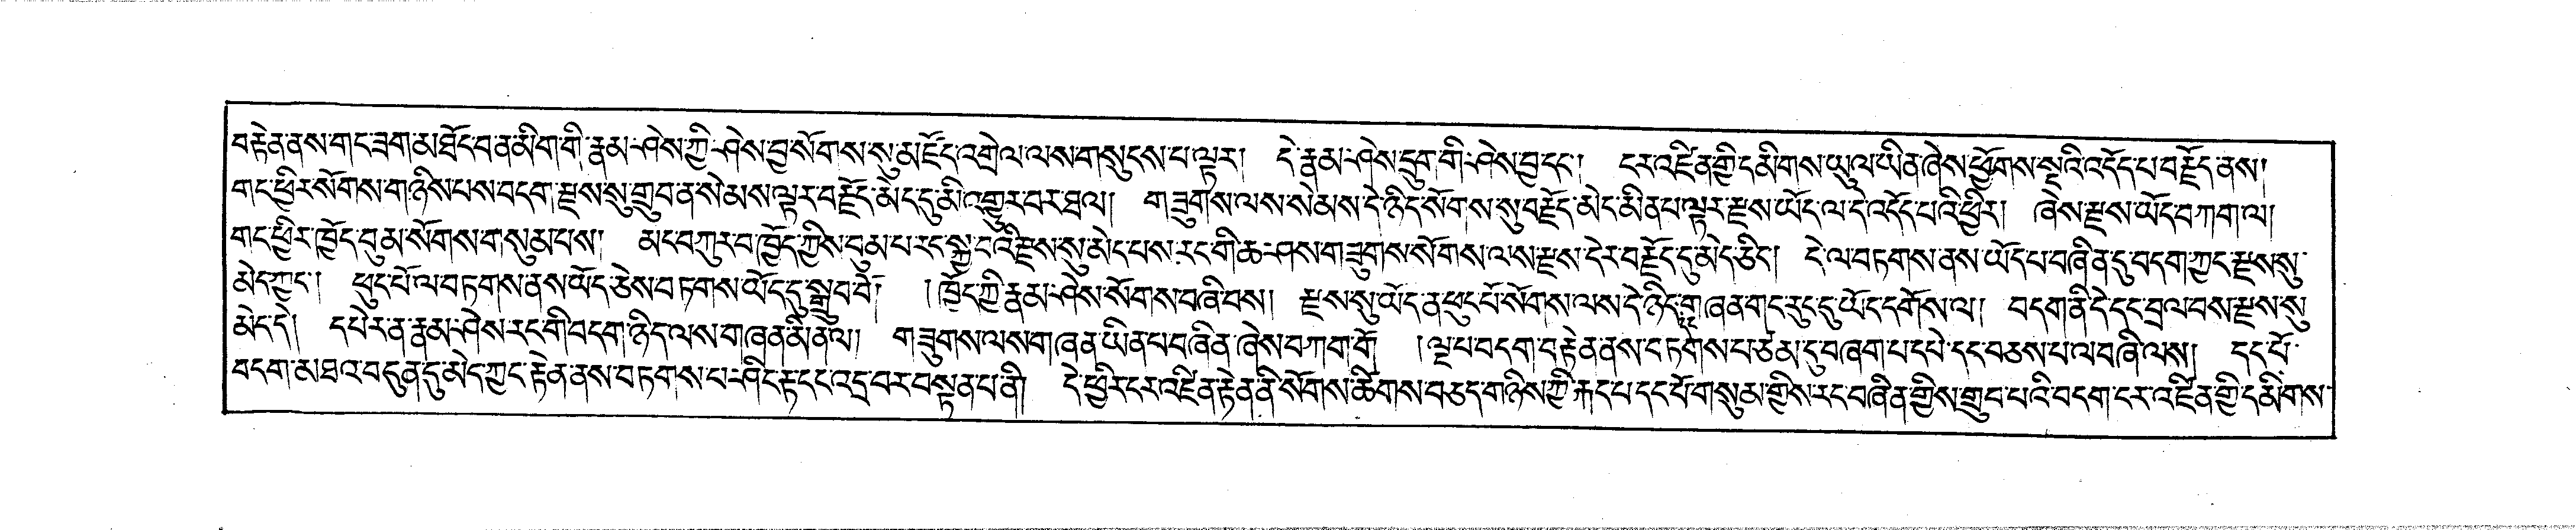བརྟེན་ནས་གང་ཟག་མཐོང་བ་ན་མིག་གི་རྣམ་ཤེས་ཀྱི་ཤེས་བྱ་སོགས་སུ་མཛོད་འགྲེལ་ལས་གསུངས་པ་ལྟར། དེ་རྣམ་ཤེས་དྲུག་གི་ཤེས་བྱ་དང་། ངར་འཛིན་གྱི་དམིགས་ཡུལ་ཡིན་ཞེས་ཕྱོགས་སྔའི་འདོད་པ་བརྗོད་ནས།
གང་ཕྱིར་སོགས་གཉིས་པས་བདག་རྫས་སུ་གྲུབ་ན་སེམས་ལྟར་བརྗོད་མེད་དུ་མི་འགྱུར་བར་ཐལ། གཟུགས་ལས་སེམས་དེ་ཉིད་སོགས་སུ་བརྗོད་མེད་མིན་པ་ལྟར་རྫས་ཡོད་ལ་དེ་འདོད་པའི་ཕྱིར། ཞེས་རྫས་ཡོད་བཀག་ལ།
གང་ཕྱིར་ཁྱོད་བུམ་སོགས་གསུམ་པས། མང་བཀུར་བ་ཁྱོད་ཀྱིས་བུམ་པ་རང་སྐྱ་བའི་རྫས་སུ་མེད་པས་རང་གི་ཆ་ཤས་གཟུགས་སོགས་ལས་རྫས་དེར་བརྗོད་དུ་མེད་ཅིང་། དེ་ལ་བཏགས་ནས་ཡོད་པ་བཞིན་དུ་བདག་ཀྱང་རྫས་སུ་
མེད་ཀྱང་། ཕུང་པོ་ལ་བཏགས་ནས་ཡོད་ཅེས་བཏགས་ཡོད་དུ་སྒྲུབ་བོ། །ཁྱོད་ཀྱི་རྣམ་ཤེས་སོགས་བཞི་བས། རྫས་སུ་ཡོད་ན་ཕུང་པོ་སོགས་ལས་དེ་ཉིད་དང་གཞན་གང་རུང་དུ་ཡོང་དགོས་ལ། བདག་ནི་དེ་དང་བྲལ་བས་རྫས་སུ་
མེད་དེ། དཔེར་ན་རྣམ་ཤེས་རང་གི་བདག་ཉིད་ལས་གཞན་མིན་ལ། གཟུགས་ལས་གཞན་ཡིན་པ་བཞིན་ཞེས་བཀག་གོ །ལྔ་པ་བདག་བརྟེན་ནས་བཏགས་པ་ཙམ་དུ་བཞག་པ་དཔེ་དང་བཅས་པ་ལ་བཞི་ལས། དང་པོ་
བདག་མཐའ་བདུན་དུ་མེད་ཀྱང་རྟེན་ནས་བཏགས་པ་ཤིང་རྟ་དང་འདྲ་བར་བསྟན་པ་ནི། དེ་ཕྱིར་ངར་འཛིན་རྟེན་ནི་སོགས་ཚིགས་བཅད་གཉིས་ཀྱི་རྐང་པ་དང་པོ་གསུམ་གྱིས་རང་བཞིན་གྱིས་གྲུབ་པའི་བདག་ངར་འཛིན་གྱི་དམིགས་